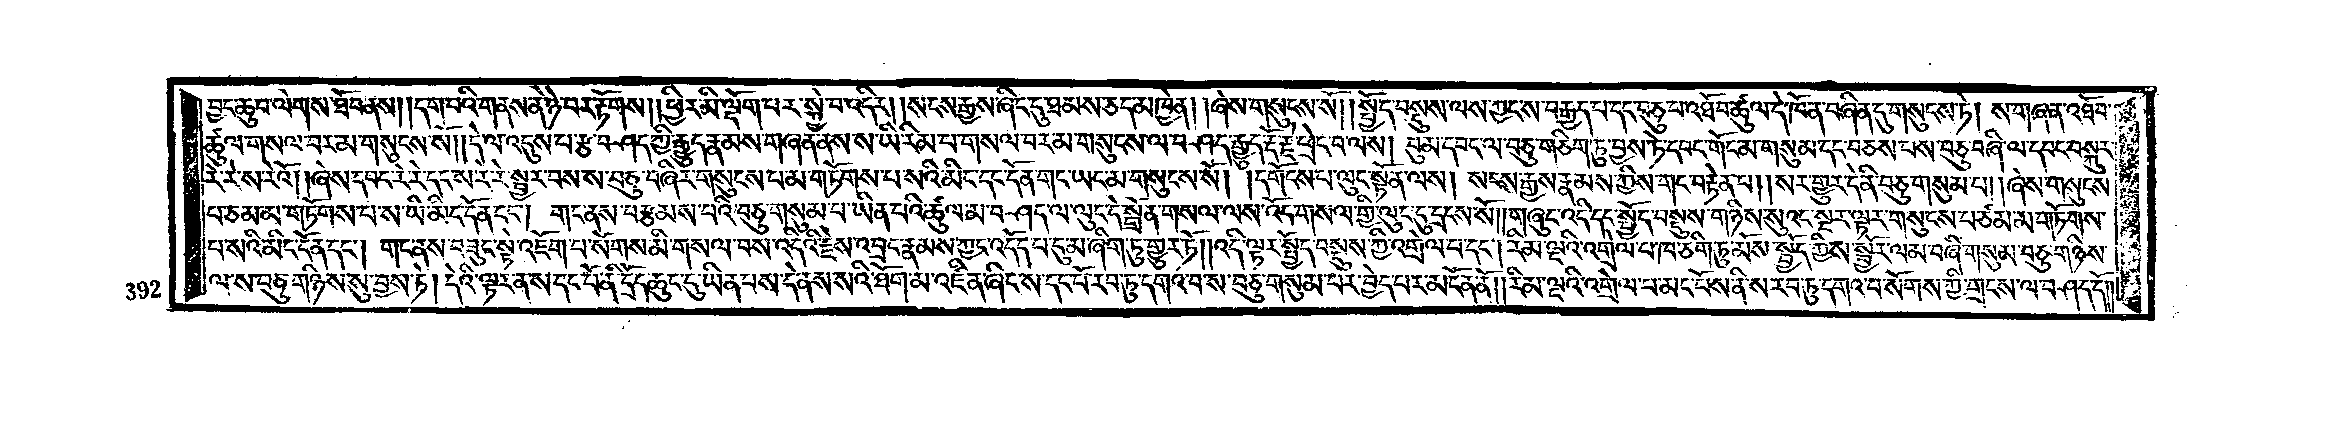བྱང་ཆུབ་ལེགས་ཐོབ་ནས། །དག་པའི་གནས་ནི་ཉེ་བར་རྟོགས། །ཕྱིར་མི་ལྡོག་པར་སྐྱེ་བ་འདིར། །སངས་རྒྱས་ཞིང་དུ་ཐམས་ཅད་མཁྱེན། །ཞེས་གསུངས་སོ། །སྤྱོད་བསྡུས་ལས་ཀྱང་ས་བརྒྱད་པ་དང་བཅུ་པ་འཐོབ་ཚུལ་དེ་ཁོ་ན་བཞིན་དུ་གསུངས་ཏེ། ས་གཞན་འཐོབ་
ཚུལ་གསལ་བར་མ་གསུངས་སོ། །དེ་ལ་འདུས་པ་རྩ་བཤད་ཀྱི་རྒྱུད་རྣམས་གཞན་ནས་ས་ཡི་རིམ་པ་གསལ་བར་མ་གསུངས་ལ་བཤད་རྒྱུད་རྡོ་རྗེ་ཕྲེང་བ་ལས། བུམ་དབང་ལ་བཅུ་གཅིག་ཏུ་བྱས་ཏེ་དབང་གོང་མ་གསུམ་དང་བཅས་པས་བཅུ་བཞི་ལ་དབང་བསྐུར་
རེ་རེ་ས་རེའོ། །ཞེས་དབང་རེ་རེ་དང་ས་རེ་རེ་སྦྱར་བས་ས་བཅུ་བཞིར་གསུངས་པ་མ་གཏོགས་པ་སའི་མིང་དང་དོན་གང་ཡང་མ་གསུངས་སོ། །དགོངས་པ་ལུང་སྟོན་ལས། སངས་རྒྱས་རྣམས་ཀྱིས་གང་བརྟེན་པ། །སར་གྱུར་དེ་ནི་བཅུ་གསུམ་པ། །ཞེས་གསུངས་
པ་ཙམ་མ་གཏོགས་པ་ས་ཡི་མིང་དོན་དང་། གང་ནས་བརྩམས་པའི་བཅུ་གསུམ་པ་ཡིན་པའི་ཚུལ་མ་བཤད་ལ་ལུང་དེ་སྒྲོན་གསལ་ལས་འོད་གསལ་གྱི་ལུང་དུ་དྲངས་སོ། །གཞུང་འདི་དང་སྤྱོད་བསྡུས་གཉིས་སུའང་སྔར་ལྟར་གསུངས་པ་ཙམ་མ་གཏོགས་
པ་སའི་མིང་དོན་དང་། གང་ནས་བཟུང་སྟེ་འཇོག་པ་སོགས་མི་གསལ་བས་འདིའི་རྗེས་འབྲང་རྣམས་ཀྱང་འདོད་པ་དུ་མ་ཞིག་ཏུ་གྱུར་ཏོ། །འདི་ལྟར་སྤྱོད་བསྡུས་ཀྱི་འགྲེལ་པ་དང་། རིམ་ལྔའི་འགྲེལ་པ་ཁ་ཅིག་ཏུ་མོས་སྤྱོད་ཀྱི་ས་སྦྱོར་ལམ་བཞི་གསུམ་བཅུ་གཉིས་
ལ་ས་བཅུ་གཉིས་སུ་བྱས་ཏེ། དེའི་ལྟར་ན་ས་དང་པོ་ནི་དྲོད་ཆུང་ངུ་ཡིན་པས་དེ་ནས་སའི་ཐོག་མ་འཛིན་ཞིང་ས་དང་པོ་རབ་ཏུ་དགའ་བ་ས་བཅུ་གསུམ་པར་བྱེད་པར་མངོན་ནོ། །རིམ་ལྔའི་འགྲེལ་པ་མང་པོས་ནི་ས་རབ་ཏུ་དགའ་བ་སོགས་ཀྱི་གྲངས་ལ་བཤད་དོ། །